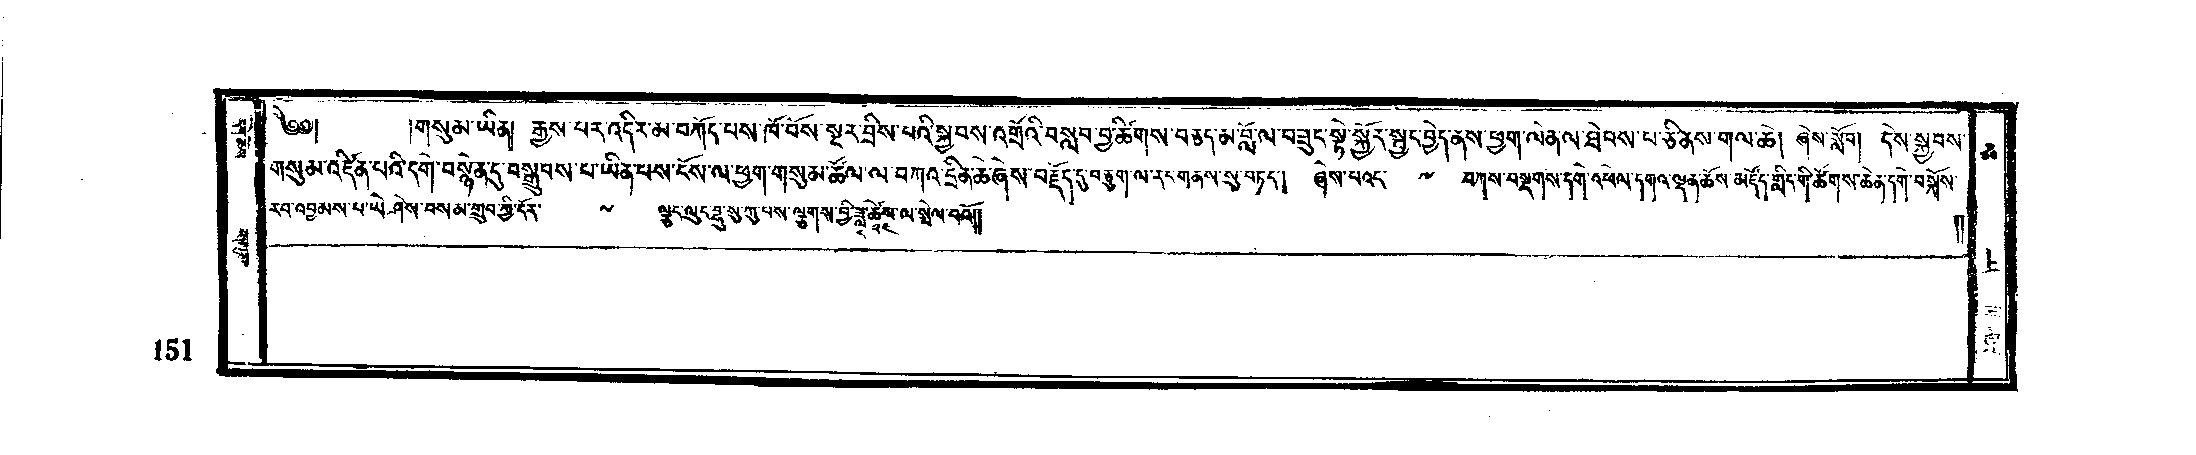༄༅། །གསུམ་ཡིན། རྒྱས་པར་འདིར་མ་བཀོད་པས་ཁོ་བོས་སྔར་བྲིས་པའི་སྐྱབས་འགྲོའི་བསླབ་བྱ་ཚིགས་བཅད་མ་བློ་ལ་བཟུང་སྟེ་སྐྱོར་སྦྱང་བྱེད་ནས་ཕྱག་ལེན་ལ་ཐེབས་པ་ཅི་ནས་གལ་ཆེ། ཞེས་སློབ།  དེས་སྐྱབས་
གསུམ་འཛིན་པའི་དགེ་བསྙེན་དུ་བསྒྲུབས་པ་ཡིན་པས་ངོས་ལ་ཕྱག་གསུམ་ཚོལ་ལ་བཀའ་དྲིན་ཆེ་ཞེས་བརྗོད་དུ་བཅུག་ལ་རང་གནས་སུ་བཏང་། ཞེས་པའང ༧་བཀས་བསྔགས་དགེ་འཕེལ་དགའ་ལྡན་ཆོས་མཛོད་གླིང་གི་ཚོགས་ཆེན་དགེ་བསྐོས་
རབ་འབྱམས་པ་ཡེ་ཤེས་བསམ་གྲུབ་ཀྱི་ངོར ༧་ལྕང་ལུང་བྷུ་སུ་ཀུ་པས་ལྕགས་བྱི་ཟླ ༨་ཚེས ༢༤་ལ་སྤེལ་བའོ།། །།